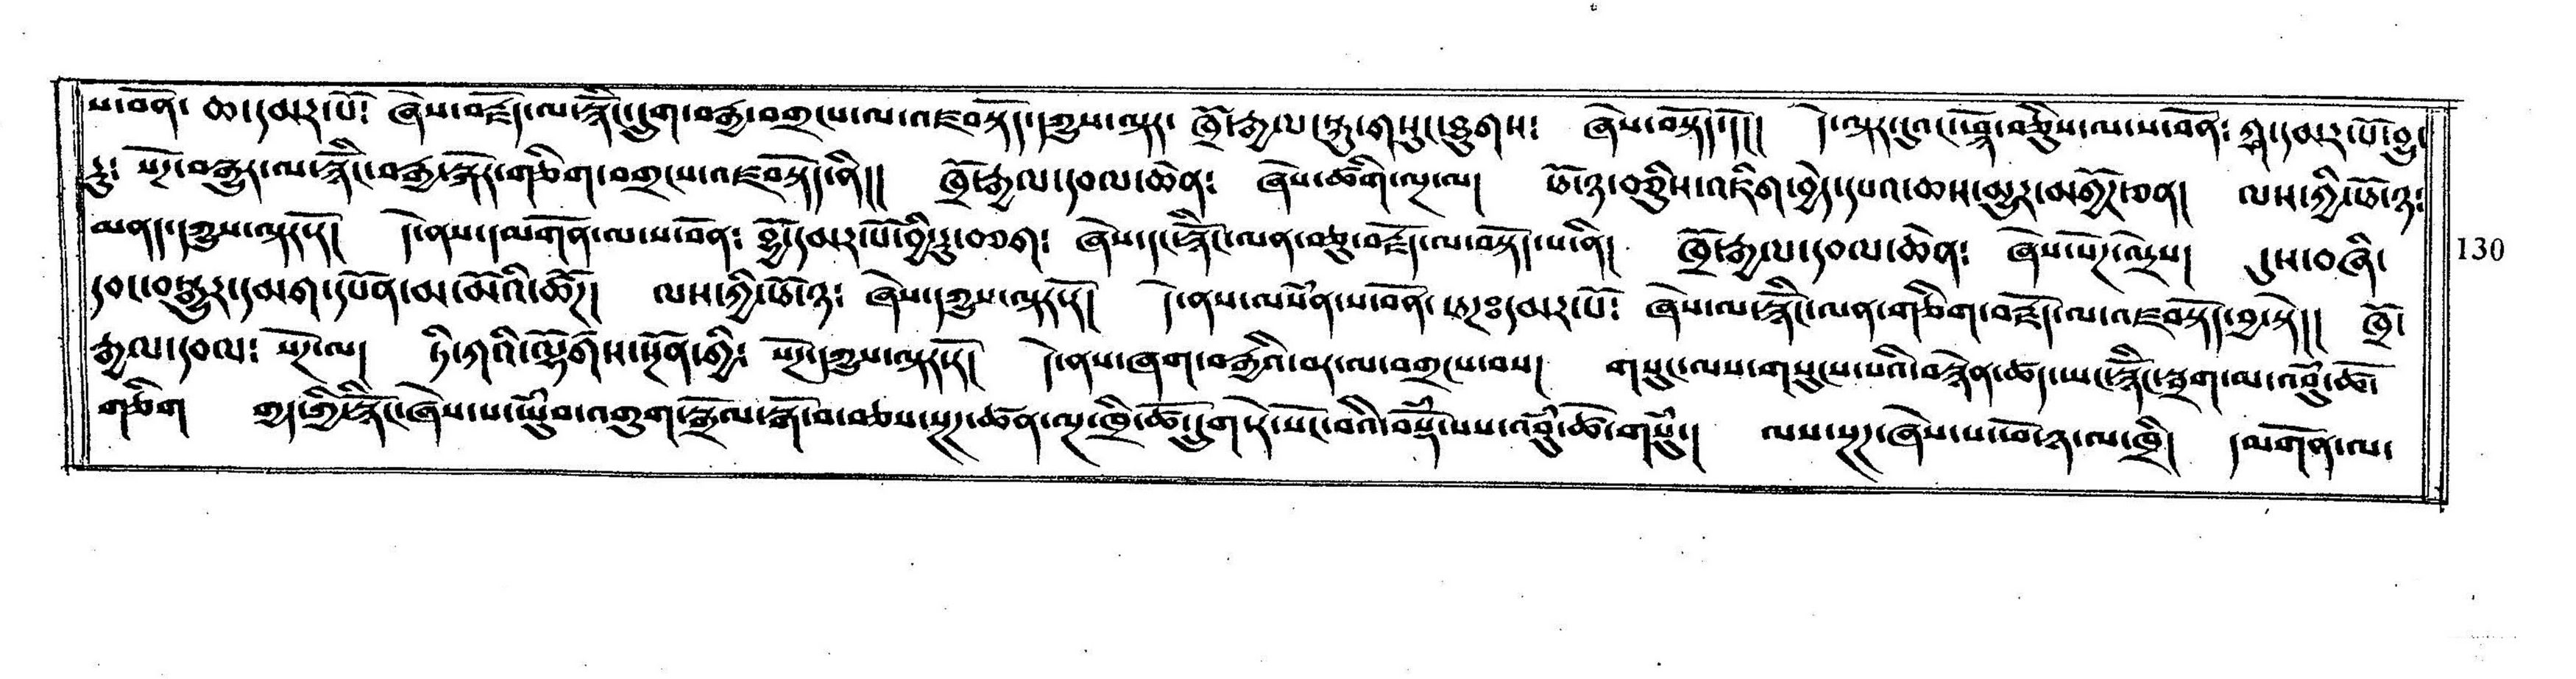ས་བོན་ཆ་དམར་པོ༴ ཞེས་བརྗོད་ལ་སྙིང་པོ་དྲུག་བརྒྱ་བགྲངས་ལ་འཛབ་བསྟོད་དཀྱུས་ལྟར་ཁྲོ་རྒྱལ་སྐུ་གསུང་ཐུགས༴ ཞེས་བསྟོད་དོ།། དེ་ལྟར་དུའང་ཕོ་ཉ་བཅུ་གཉིས་ལ་ས་བོན༴ ཀྴ་དམར་པོ་བྱུ་
རུ༴ སོགས་བསྒྱུར་ལ་སྙིང་པོ་བརྒྱ་སྐོར་གཅིག་བགྲངས་འཛབ་བསྟོད་ནི།། ཁྲོ་རྒྱལ་དབལ་ཆེན༴ ཞེས་ཚིག་ལྔ་ལ། ཕོ་ཉ་བཅུ་གཉིས་འཇིག་བྱེད་དཔའ་ཆས་མྱུར་མགྱོགས་ཅན། ལས་ཀྱི་ཕོ་ཉ༴ 
མན་ཆད་དཀྱུས་ལྟར་རོ། དེ་ནས་དམག་དཔོན་ལ་ས་བོན༴ བྷྱོ་དམར་པོ་བྱི་རུ་བཅག༴ ཞེས་དང་སྙིང་པོ་ལན་བཅུ་བརྗོད་ལ་བསྟོད་པ་ནི། ཁྲོ་རྒྱལ་དབལ་ཆེན༴ ཞེས་སོགས་འདྲེས། དུས་བཞི་
དབང་བསྒྱུར་དམག་དཔོན་མ་མོའི་ཚོགས། ལས་ཀྱི་ཕོ་ཉ༴ ཞེས་དཀྱུས་ལྟར་རོ། དེ་ནས་ལས་མཁན་ས་བོན་ཕཊཿདམར་པོ༴ ཞེས་ལ་སྙིང་པོ་ལན་གཅིག་བརྗོད་ལ་འཛབ་བསྟོད་བྱ་སྟེ།། ཁྲོ་
རྒྱལ་དབལ༴ སོགས་ལ། ཏི་ཀའི་ལྷ་ཚོགས་སྔོན་གྱི༴ སོགས་དཀྱུས་ལྟར་རོ། དེ་ནས་ཞག་བརྒྱའི་བར་ལ་བགྲངས་བས། གསུང་ལས་གསུངས་པའི་བསྙེན་ཚད་ཡང་སྙིང་པོ་སྦྲག་མ་འབུམ་ཚོ་
གཅིག གྱད་ཀྱི་སྙིང་པོ་ཞེས་པ་ཡབ་ཡུམ་འགུག་སྒྲོལ་སྒོ་བ་བཅས་སྔགས་ཚན་ལྔ་ཁྲི་ཚོ་དྲུག་རེ་སོང་བའི་བསྡོམ་པས་འབུམ་ཚོ་གསུམ། ལས་སྔགས་ཞེས་པ་ཕོ་ཉ་ལ་ཁྲི། དམག་དཔོན་ལ་